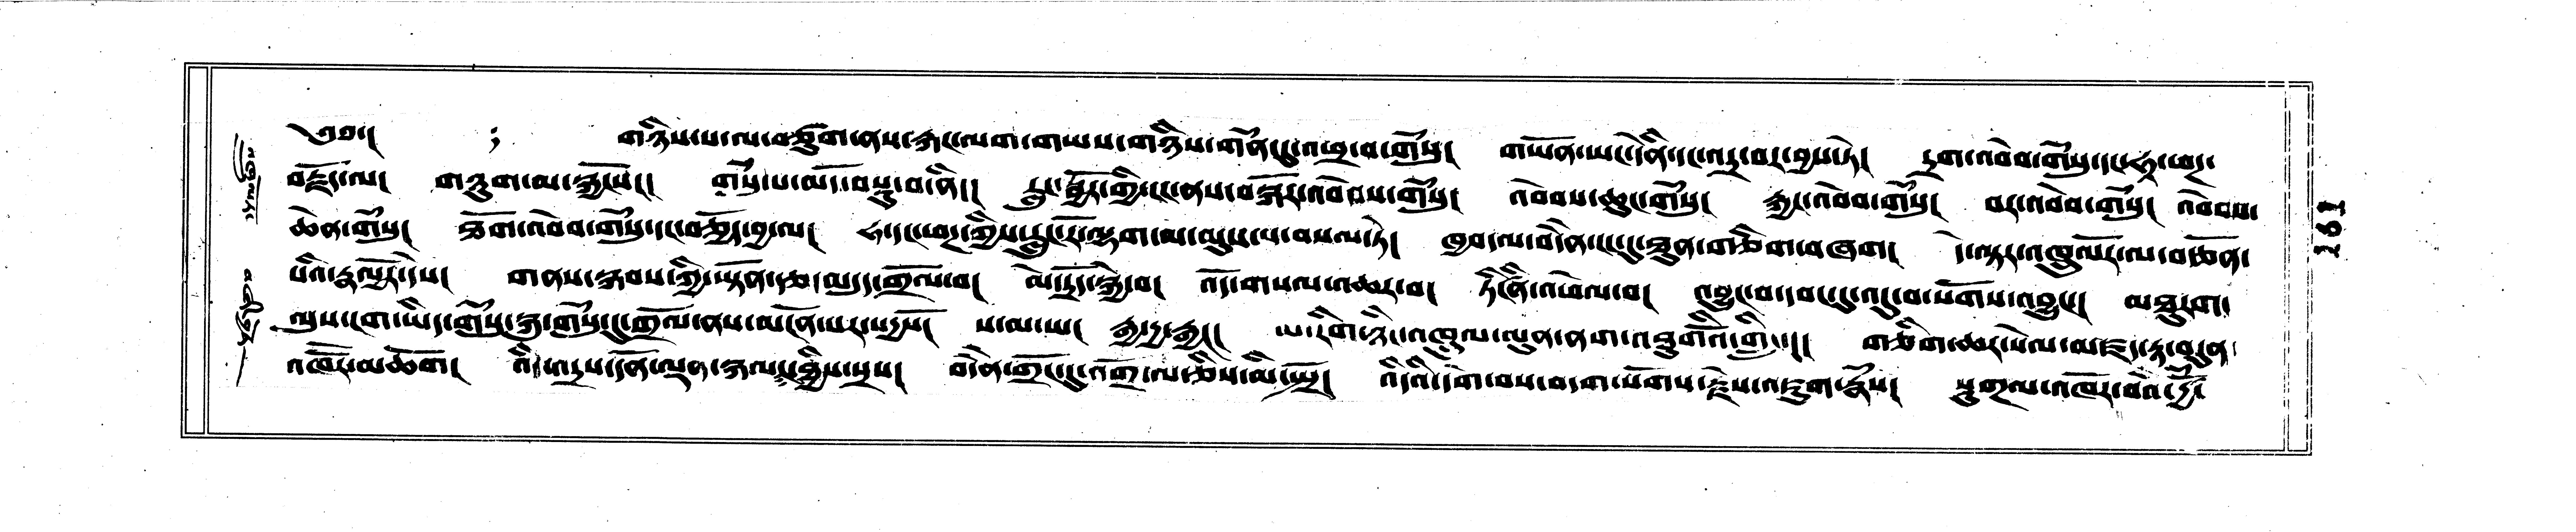གཉིས་ས་ལ་བཙུགས་ནས་རྐང་ལག་གཉིས་གནམ་དུ་འཕྲ་བ་གསུམ། གཡོན་ཡང་དེ་བཞིན་དང་འདྲ་བ་བྱས་ཏེ། དྲག་འབེབས་གསུམ་དང་ཧཱ་ཕཊ་
བརྗོད་ལ ་གཉུག་མ་སྐྱོང་། གསུམ་པ་མདོ་བསྡུ་བ་ནི། རླུང་སྦྱོར་གྱི་ངང་ནས་སྐོར་འབེབས་གསུམ། འབེབས་ཆུང་གསུམ། རྐྱང་འབེབས་གསུམ། བར་འབེབས་གསུམ། འབེབས་
ཆེན་གསུམ། ཐོག་འབེབས་གསུམ་དང་བཅོ་བརྒྱད་བྱ་ལ། ཧ་དང་ཕཊ་ཀྱིས་རླུང་རོ་ལྷག་མ་ལུས་པ་བསལ་ཏེ། ཁྱབ་བདལ་བདེ་ཆེན་ངང་དུ་དལ་གཅིག་བཞག དེ་ལྟར་འཁྲུལ་འཁོར་ལ་བརྩོན་
པའི་རྣལ་འབྱོར་དེས། གནས་སྐབས་ཀྱི་ཡོན་ཏན་རྩ་མདུད་དགྲོལ་བ། མེ་དྲོད་སྐྱེ་བ། འོད་གསལ་འཆར་བ། ཏིང་འཛིན་འཕེལ་བ། འབྱུང་བ་དབང་དུ་འདུ་བ་སོགས་འབྱུང་། མཐར་ཐུག་
ལུས་ངག་ཡིད་གསུམ་སྐུ་གསུམ་དུ་གྲོལ་ནས་མངོན་པར་སངས་རྒྱས་སོ། །ས་མ་ཡ། རྒྱ་རྒྱ་རྒྱ། མ་རིག་ཉིང་འཁྲུལ་མུན་ནག་འཐུག་པོའི་གླིུང་། གཅིག་ཆར་སེལ་མཛད་རྟ་བདུན་
འཁོར་ལོ་མཆོག །འདི་འདྲས་དོན་ལྡན་སྐལ་བཟང་ཐུགས་ཀྱི་སྲས། བདེ་ཆེན་གྲོང་དུ་བགྲོད་ལ་ཅིས་མི་སྤྲོ། འདི་ཡི་དགེ་བས་བདག་སོགས་རྗེས་འཇུག་རྣམས། སྡུག་བསྔལ་འཁོར་བའི་རྒྱ་མཚོ་